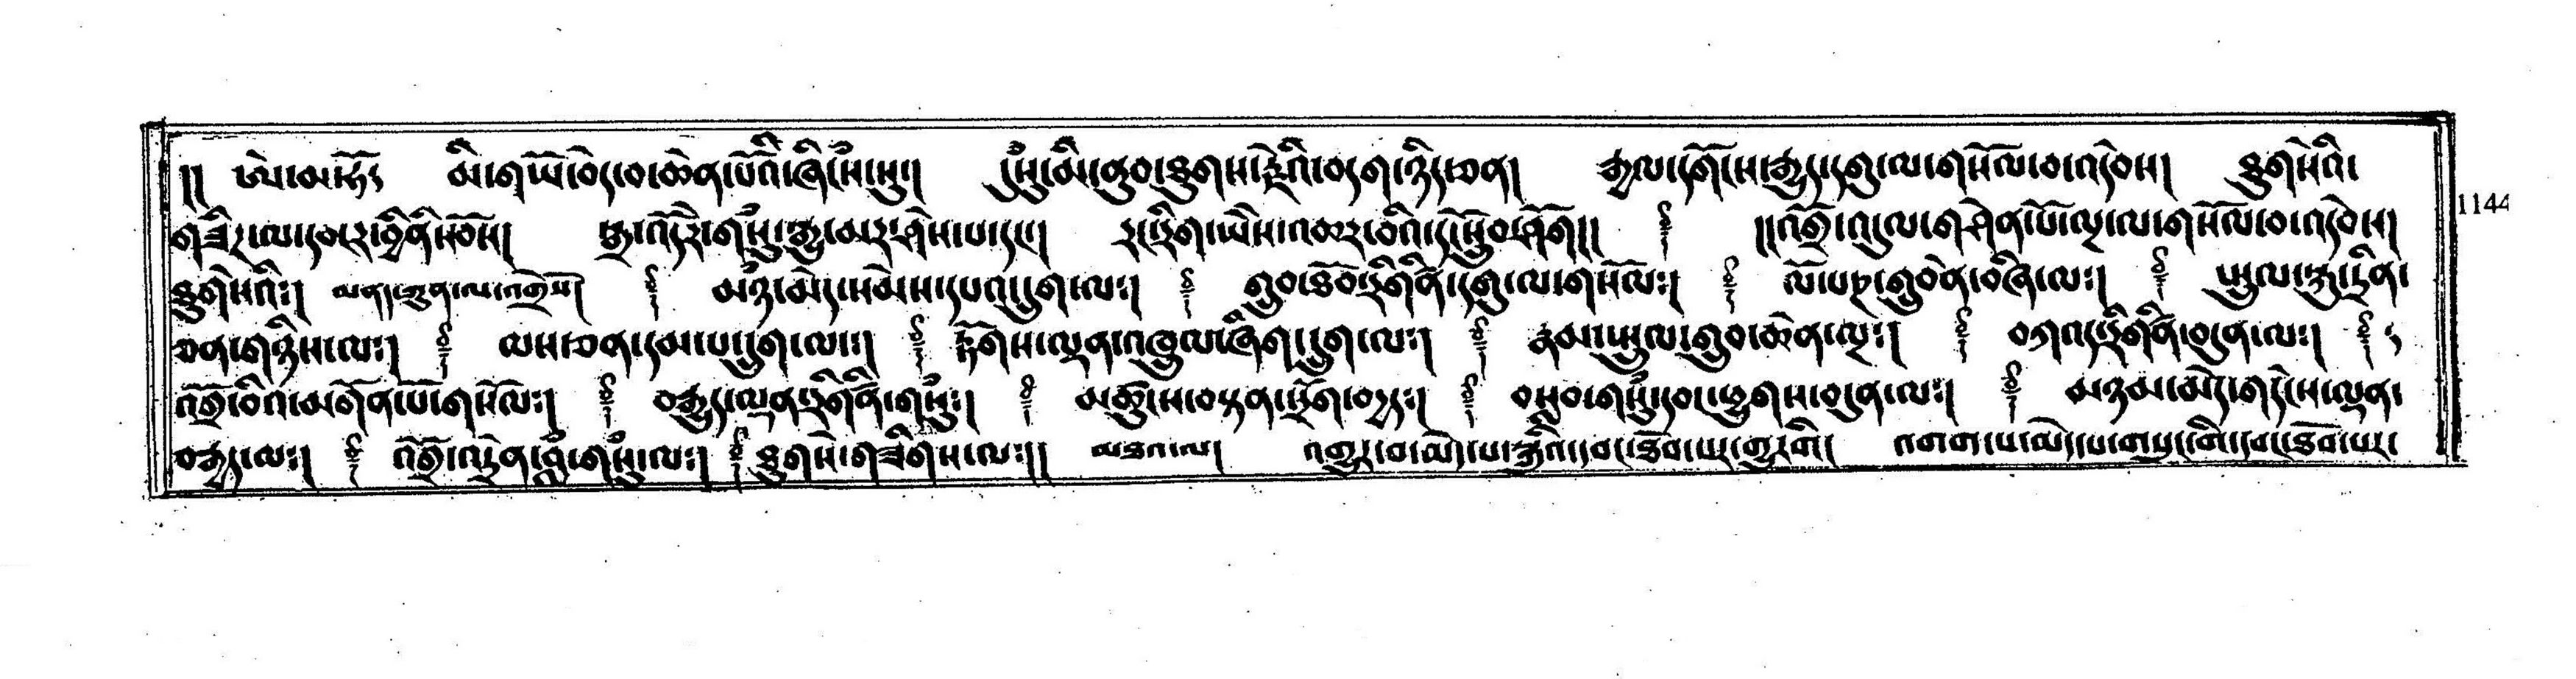།།ཨེ་མ་ཧོ། མི་གཡོ་བདེ་བ་ཆེན་པོའི་ཞིངས་ཁམས་སུ། དུས་གསུམ་མི་ནུབ་ཐུགས་རྗེའི་བདག་ཉིད་ཅན། རྒྱལ་བ་དགོངས་རྒྱུད་དགུ་ལ་གསོལ་བ་འདེབས། ཐུགས་རྗེའི་
གཟིགས་ལ་དབང་བསྐུར་བྱིན་གྱིས་རློབས། སྒྲ་འོད་ཟེར་གསུམ་སྒྱུ་མར་ཤེས་པ་དང་། རང་རིག་ཡེ་ཤེས་འཆར་བའི་དངོས་གྲུབ་ཤོག།། །།འགྲོ་འདུལ་གཤེན་པོ་ལྔ་ལ་གསོལ་བ་འདེབས། 
ཐུགས་རྗེའི༴། མན་ཆད་ཀུན་ལ་འགྲེས་སོ། མཉམ་མེད་སེམས་དཔའ་དྲུག་ལ༴། གྲུབ་ཐོབ་རིག་འཛིན་དགུ་ལ་གསོལ༴། ལོ་པཎ་གྲུབ་གཤེན་བཞི་ལ༴། སྤྲུལ་སྐུ་དྲིན་
ཅན་གཉིས་ལ༴། ལས་ཅན་དམ་པ་དྲུག་ལ༴། རྟོགས་ལྡན་འཁྲུལ་ཞིག་དྲུག་ལ༴། རྣམ་སྤྲུལ་གྲུབ་ཆེན་ལྔ༴། བཀའ་བརྒྱུད་རིག་འཛིན་བདུན་ལ༴། 
འགྲོ་བའི་མགོན་པོ་གསོལ༴། བརྒྱུད་ལྡན་རིག་འཛིན་གསུམ༴། མཚུངས་བསྟན་སྲོག་བརྒྱད༴། བསླབ་གསུམ་དབང་ཕྱུག་བདུན་ལ༴། མཉམ་མེད་གདེངས་ལྡན་
བརྒྱད་ལ༴། འགྲོ་འདྲེན་བླ་མ་གསུམ་ལ༴། ཐུགས་རྗེ་གཟིགས་ལ༴།། མཐའ་ལ། འགྱུར་བ་མེད་པ་སྐུའི་དབང་ཐོབ་པར་གྱུར་ཅིག འགག་པ་མེད་པ་གསུང་གི་དབང་ཐོབ་པར་